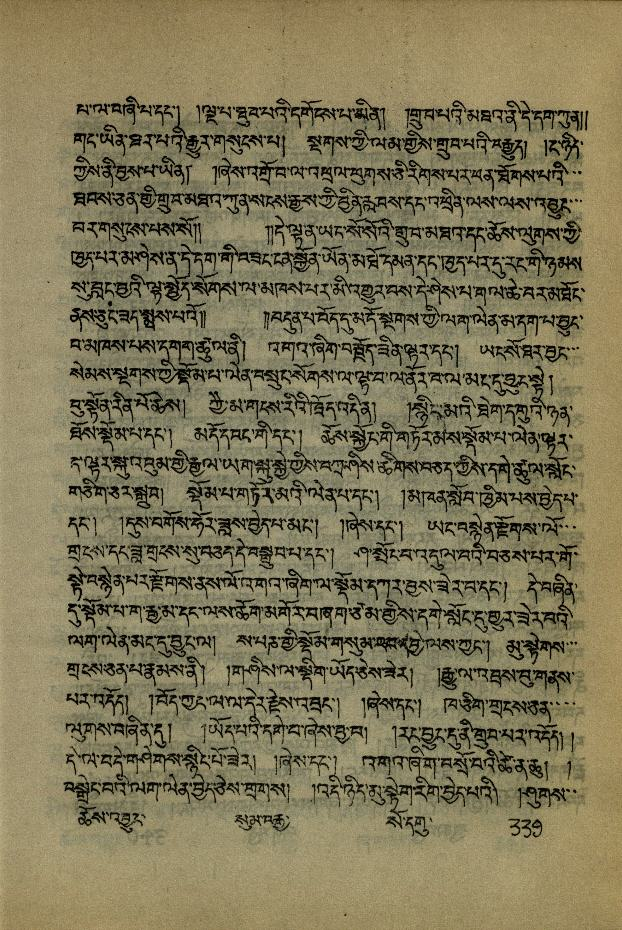པ་ལ་བཞི་པ་དང་། །ལྔ་པ་ཐུབ་པའི་དགོངས་པ་མིན། །གྲུབ་པའི་མཐའ་ནི་དེ་དག་ཀུན།།
གང་ཡིན་ཐར་བའི་རྒྱུར་གསུངས་པ། སྔགས་ཀྱི་ལམ་གྱིས་གྲུབ་པའི་བརྒྱུད། །ང་ཉིད་
ཀྱིས་ནི་བྱས་པ་ཡིན། །ཞེས་འགྲོ་བ་ལ་འཕྲལ་ཕུགས་ཅི་རིགས་པར་ཕན་ཐོགས་པའི་
ཐབས་ཅན་གྱི་གྲུབ་མཐའ་ཀུན་སངས་རྒྱས་ཀྱི་བྱིན་རླབས་དང་འཕྲིན་ལས་ལས་འབྱུང་
བར་གསུངས་པས་སོ།། །།དེ་ལྟ་ན་ཡང་སོ་སོའི་གྲུབ་མཐའ་དང་ཆོས་ལུགས་ཀྱི་
ཁྱད་པར་མ་ཤེས་ན་དེ་དག་གི་བཟང་ངན་སྐྱོན་ཡོན་མཐོ་དམན་དང་ཁྱད་པར་དུ་རང་གི་ཉམས་
སུ་བླང་བྱའི་ལྟ་སྤྱོད་སོགས་ལ་མཁས་པར་མི་འགྱུར་བས་དེ་ཤེས་པ་གལ་ཆེ་བར་མཐོང་
ནས་ཅུང་ཟད་སྨྲས་པའོ།། །།བདུན་པ་བོད་དུ་མདོ་སྔགས་ཀྱི་ལག་ལེན་མ་དག་པ་བྱུང་
བ་མཁས་པས་དགག་ཚུལ་ནི། འགའ་ཞིག་བརྗོད་ཟིན་ལྟར་དང་། ཡང་སོ་ཐར་བྱང་
སེམས་སྔགས་ཀྱི་སྡོམ་པ་ལེན་བསྲུང་སོགས་ལ་ལྟ་བ་ལ་ནོར་བ་ལ་མང་དུ་བྱུང་སྟེ།
བུ་སྟོན་རིན་པོ་ཆེས། ཀྱཻ་མ་གངས་རིའི་ཁྲོད་འདི་ན། །སྙིང་མའི་ཐེག་དགུའི་ཉན་
ཐོས་སྡོམ་པ་དང་། མདོ་དབང་གི་དང་། ཆོས་སྐྱོང་གི་གཏོར་མས་སྡོམ་པ་ལེན་ལྟར་
ད་ལྟར་སྐུ་འབུམ་གྱི་རྒྱལ་ཡག་སྐུ་སྐྱེ་ཀྱིས་བཀྲ་ཤིས་ཚིགས་བཅད་ཀྱིས་དགེ་ཚུལ་སློང་
གཅིག་ཅར་སྒྲུབ། སྡོམ་པ་གཏོར་མའི་ལེན་པ་དང་། །མཁན་སློབ་ཁྱིམ་པས་བྱེད་པ་
དང་། །དུས་བགོས་ཧོར་ཟླས་བྱེད་པ་མང་། །ཞེས་དང་། ཡང་བསྙེན་རྫོགས་ལོ་
གྲངས་དང་ཟླ་གྲངས་སུ་བཅད་དེ་བསྒྲུབ་པ་དང་། ཤ་སྤོང་བ་འདུལ་བའི་བཅས་པར་གོ་
སྟེ་བསྙེན་པར་རྫོགས་ནས་ལོ་འགའ་ཞིག་ལ་སྡོམ་དཀར་བྱས་ཟེར་བ་དང་། དེ་བཞིན་
དུ་སྡོམ་པ་ག་རྒྱ་མ་དང་ལས་ཆོག་མགོར་བ་ཞག་ཙམ་གྱིས་དགེ་སློང་དུ་གྱུར་ཟེར་བའི་
ལག་ལེན་མང་དུ་བྱུང་ལ། ས་པཎ་གྱི་སྡོམ་གསུམ་རང་དབྱེ་ལས་ཀྱང་། མུ་སྟེགས་
གྲངས་ཅན་པ་རྣམས་ནི། །གཤིས་ལ་སྡིག་ཡོད་ཅེས་ཟེར། །རྒྱུ་ལ་འབྲས་བུ་གནས་
པར་འདོད། །བོད་ཀྱང་ལ་ལ་དེར་རྗེས་འབྲང་། །ཞེས་དང་། ཁ་ཅིག་གྲངས་ཅན་
ལུགས་བཞིན་དུ། །ཡོད་པའི་དགེ་བ་ཞེས་བྱ་བ། །རང་བྱུང་དུ་ནི་གྲུབ་པར་འདོད།།
དེ་ལ་བདེ་གཤེགས་སྙིང་པོ་ཟེར། །ཞེས་དང་། འགའ་ཞིག་བསྲོ་བའི་ཚེ་ན་ཆུ།།
བསྒྲེང་བའི་ལག་ལེན་བྱེད་ཅེས་གྲགས། །འདི་ཉིད་མུ་སྟེག་རིག་བྱེད་པའི། །ཤུགས་